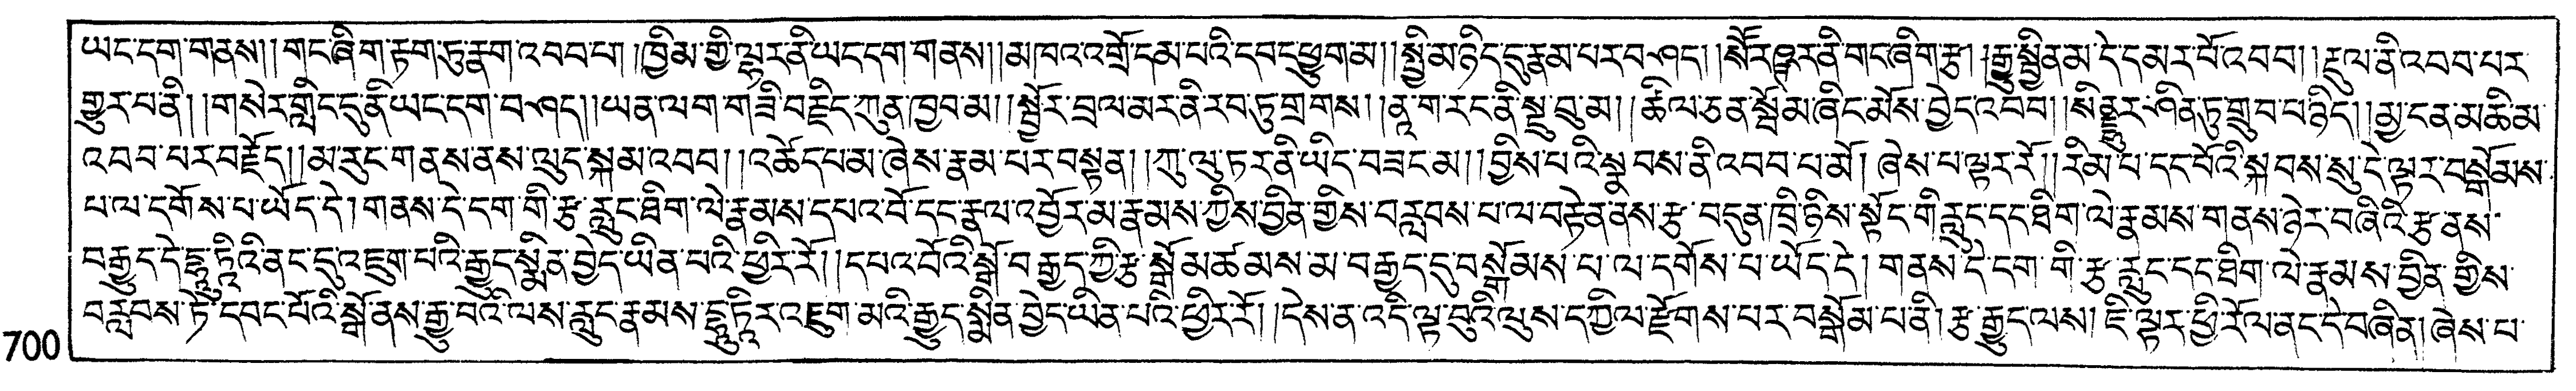ཡང་དག་གནས། །གང་ཞིག་རྟག་ཏུ་རྣག་འབབ་པ། །ཁྱིམ་གྱི་ལྷར་ནི་ཡང་དག་གནས། །མཁའ་འགྲོ་དམ་པའི་དབང་ཕྱུག་མ། །སྤྱི་མ་ཉིད་དུ་རྣམ་པར་བཤད། །སཽ་རཥྚར་ནི་གང་ཞིག་རྩ། །རྒྱུ་སྦྱིན་མ་དེ་དམར་པོ་འབབ། །རྡུལ་ནི་འབབ་པར་
གྱུར་པ་ནི། །གསེར་གླིང་དུ་ནི་ཡང་དག་བཤད། །ཡན་ལག་གཟི་བརྗིད་ཀུན་ཁྱབ་མ། །སྦྱོར་བྲལ་མར་ནི་རབ་ཏུ་གྲགས། །ནཱ་ག་རང་ནི་སྡུ་བུ་མ། །ཚིལ་ཅན་སྦོམ་ཞིང་མོས་བྱེད་འབབ། །སིནྡྷུར་ཤིན་ཏུ་གྲུབ་པ་ཉིད། །མྱ་ངན་མཆི་མ་
འབབ་པར་བརྗོད། །མ་རུང་གནས་ནས་ལུད་སྐམ་འབབ། །འཚོད་པ་མ་ཞེས་རྣམ་པར་བསྟན། །ཀུ་ལུ་ཏར་ནི་ཡིད་བཟང་མ། །བྱིས་པའི་སྣབས་ནི་འབབ་པ་མོ། ཞེས་པ་ལྟར་རོ། །རིམ་པ་དང་པོའི་སྐབས་སུ་དེ་ལྟར་བསྒོམས་
པ་ལ་དགོས་པ་ཡོད་དེ། གནས་དེ་དག་གི་རྩ་རླུང་ཐིག་ལེ་རྣམས་དཔའ་བོ་དང་རྣལ་འབྱོར་མ་རྣམས་ཀྱིས་བྱིན་གྱིས་བརླབས་པ་ལ་བརྟེན་ནས་རྩ་བདུན་ཁྲི་ཉིས་སྟོང་གི་རླུང་དང་ཐིག་ལེ་རྣམས་གནས་ཉེར་བཞིའི་རྩ་ནས་
བརྒྱུད་དེ་དྷཱུ་ཏཱིའི་ནང་དུ་འཇུག་པའི་རྒྱུད་སྨིན་བྱེད་ཡིན་པའི་ཕྱིར་རོ། །དཔའ་བོའི་སྒོ་བརྒྱད་ཀྱི་རྩ་སྒོམ་ཚམས་མ་བརྒྱད་དུ་བསྒོམས་པ་ལ་དགོས་པ་ཡོད་དེ། གནས་དེ་དག་གི་རྩ་རླུང་དང་ཐིག་ལེ་རྣམས་བྱིན་གྱིས་
བརླབས་ཏེ་དབང་པོའི་སྒོ་ནས་རྒྱུ་བའི་ལས་རླུང་རྣམས་དྷཱུ་ཏཱིར་འཇུག་མའི་རྒྱུད་སྨིན་བྱེད་ཡིན་པའི་ཕྱིར་རོ། །དེས་ན་འདི་ལྟ་བུའི་ལུས་དཀྱིལ་རྫོགས་པར་བསྒོམ་པ་ནི། རྩ་རྒྱུད་ལས། ཇི་ལྟར་ཕྱི་རོལ་ནང་དེ་བཞིན། ཞེས་པ་